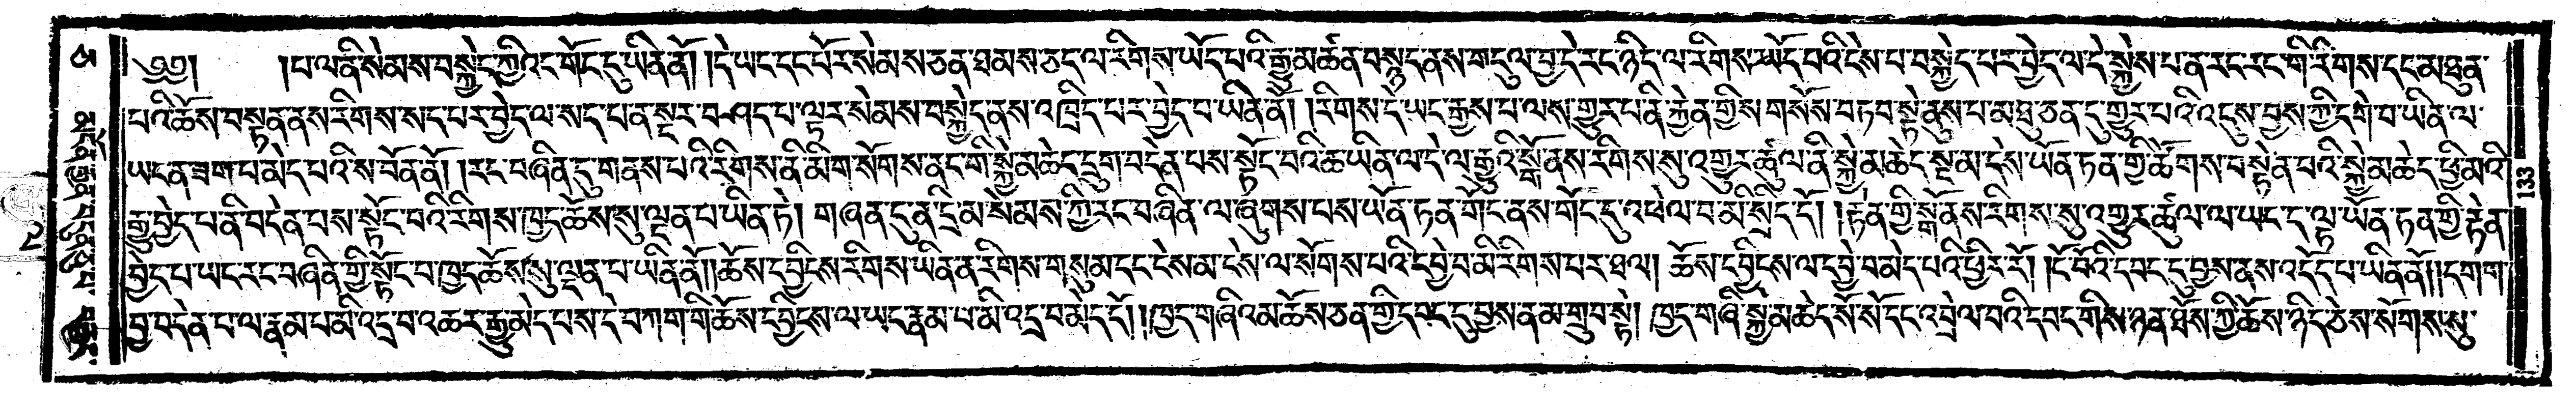༄༅། །པ་ལ་ནི་སེམས་བསྐྱེད་ཀྱིའང་གོང་དུ་ཡིན་ནོ། །དེ་ཡང་དང་པོར་སེམས་ཅན་ཐམས་ཅད་ལ་རིགས་ཡོད་པའི་རྒྱུ་མཚན་བསྙད་ནས་གདུལ་བྱ་དེ་རང་ཉིད་ལ་རིགས་ཡོད་པའི་ངེས་པ་བསྐྱེད་པར་བྱེད་ལ་དེ་སྐྱེས་པ་ན་རང་རང་གི་རིགས་དང་མཐུན་
པའི་ཆོས་བསྟན་ནས་རིགས་སད་པར་བྱེད་ལ་སད་པ་ན་སྔར་བཤད་པ་ལྟར་སེམས་བསྐྱེད་ནས་འཁྲིད་པར་བྱེད་པ་ཡིན་ནོ། །རིགས་དེ་ཡང་རྒྱས་པ་ལས་གྱུར་པ་ནི་རྐྱེན་གྱིས་གསོས་བཏབ་སྟེ་ནུས་པ་མཐུ་ཅན་དུ་གྱུར་པའི་འདུས་བྱས་ཀྱི་དགེ་བ་ཡིན་ལ་
ཡང་ན་ཟག་པ་མེད་པའི་ས་བོན་ནོ། །རང་བཞིན་དུ་གནས་པའི་རིགས་ནི་མིག་སོགས་ནང་གི་སྐྱེ་མཆེད་དྲུག་བདེན་པས་སྟོང་པའི་ཆ་ཡིན་ལ་དེ་ལ་རྒྱུའི་སྒོ་ནས་རིགས་སུ་འགྱུར་ཚུལ་ནི་སྐྱེ་མཆེད་སྔ་མ་དེས་ཡོན་ཏན་གྱི་ཚོགས་བསྟེན་པའི་སྐྱེ་མཆེད་ཕྱི་མའི་
རྒྱུ་བྱེད་པ་ནི་བདེན་པས་སྟོང་པའི་རིགས་ཁྱད་ཆོས་སུ་ལྡན་པ་ཡིན་ཏེ། གཞན་དུ་ན་དྲི་མ་སེམས་ཀྱི་རང་བཞིན་ལ་ཞུགས་པས་ཡོན་ཏན་གོང་ནས་གོང་དུ་འཕེལ་བ་མི་སྲིད་དོ། །རྟེན་གྱི་སྒོ་ནས་རིགས་སུ་འགྱུར་ཚུལ་ལ་ཡང་ད་ལྟ་ཡོན་ཏན་གྱི་རྟེན་
བྱེད་པ་ཡང་རང་བཞིན་གྱི་སྟོང་པ་ཁྱད་ཆོས་སུ་ལྡན་པ་ཡིན་ནོ། །ཆོས་དབྱིངས་རིགས་ཡིན་ན་རིགས་གསུམ་དང་ངེས་མ་ངེས་ལ་སོགས་པའི་དབྱེ་བ་མི་རིགས་པར་ཐལ། ཆོས་དབྱིངས་ལ་དབྱེ་བ་མེད་པའི་ཕྱིར་རོ། །ངོ་བོའི་དབང་དུ་བྱས་ནས་འདོད་པ་ཡིན་ནོ། །དགག་
བྱ་བདེན་པ་ལ་རྣམ་པ་མི་འདྲ་བ་འཆར་རྒྱུ་མེད་པས་དེ་བཀག་གི་ཆོས་དབྱིངས་ལ་ཡང་རྣམ་པ་མི་འདྲ་བ་མེད་དོ། །ཁྱད་གཞིའམ་ཆོས་ཅན་གྱི་དབང་དུ་བྱས་ན་མ་གྲུབ་སྟེ། ཁྱད་གཞི་སྐྱེ་མཆེད་སོ་སོ་དང་འབྲེལ་བའི་དབང་གིས་ཉན་ཐོས་ཀྱི་ཆོས་ཉིད་ཅེས་སོགས་སུ་